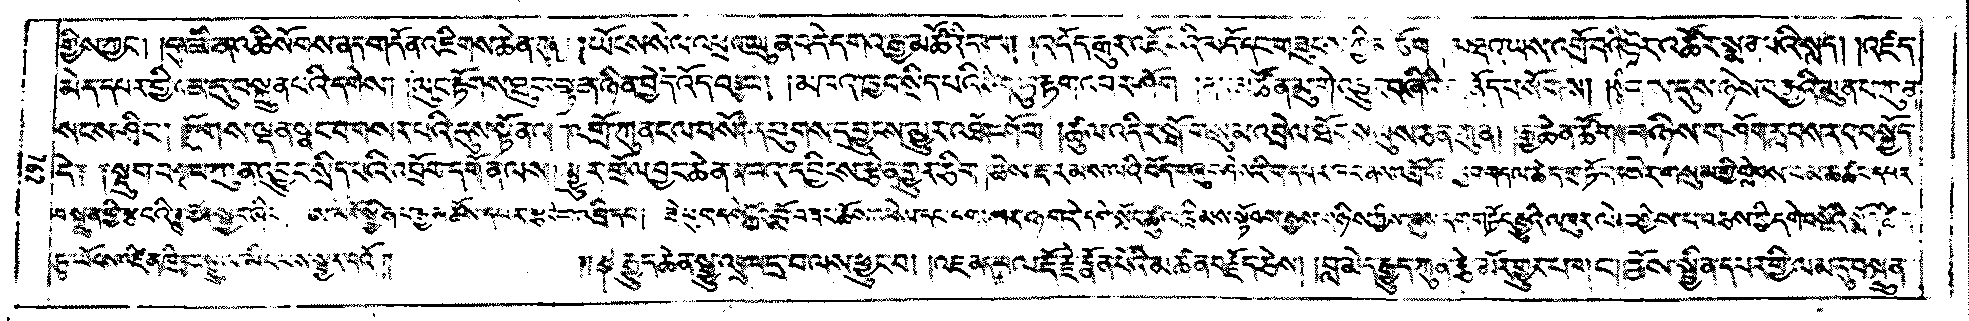གྱིས་ཀྱང་། །དུས་མིན་འཆི་སོགས་ནད་གདོན་འཇིགས་ཆེན་ཀུན། །ཡོངས་སེལ་འཕྲལ་ཡུན་བདེ་དགའ་རྒྱ་མཚོའི་དཔལ། །འདོད་རྒུར་འཇོ་བའི་མདོ་དང་གཟུངས་ཀྱི་མཆོག །མཐའ་ཡས་འགྲོ་བའི་ཉེར་འཚོར་སྨན་པའི་སླད། །འཛད་
མེད་དཔར་གྱི་ལམ་དུ་བསྐྲུན་པའི་དགེས། །ལུང་རྟོགས་ཐུབ་བསྟན་ཉིན་བྱེད་འོད་བརྒྱ་པ། །མཁའ་ཁྱབ་སྲིད་པའི་མིག་ཏུ་རྟག་འབར་ཤོག །ནད་མཚོན་མུ་གེ་འབྱུང་བཞིའི་གནོད་པ་སོགས། །སྙིགས་དུས་ཉེས་བརྒྱའི་མུན་པ་ཀུན་
སངས་ཤིང་། །རྫོགས་ལྡན་སྣང་བ་གསར་བའི་དུས་སྟོན་ལ། །འགྲོ་ཀུན་ངལ་བསོའི་དབུགས་དབྱུངས་མྱུར་འཐོབ་ཤོག །ཚུལ་འདིར་སྒོ་གསུམ་འབྲེལ་ཐོགས་ལུས་ཅན་ཀུན། །རྒྱ་ཆེན་ཚོགས་གཉིས་གཤོག་རླབས་རབ་བསྐྱོད་
དེ༑ ༑སྡུག་བསྔལ་ཀུན་འབྱུང་སྲིད་པའི་འབྲོག་དགོན་ལས། །མྱུར་གྲོལ་བྱང་ཆེན་མཁའ་དབྱིངས་རྩེན་གྱུར་ཅིག །ཅེས་རྡ་རམས་ལའི་བོད་གཞུང་ཤེས་རིག་དཔར་ཁང་ནས་འགྲོ་དོན་ཁྱབ་གདལ་ཆེད་གྲ་ཏོག་གསེར་གསུམ་གྱི་གླེགས་བམ་ཆ་ཚང་དཔར་
བསྐྲུན་གྱི་རྩ་བའི་རྒྱུ་ཡོན་སྦྱར་ཞིང་། ཨ་མདོ་སྦྱིན་པ་རྒྱ་མཚོས་དཔར་རྩ་ཡིག་འབྲི་དང་། ཟེ་ཕུག་དགེ་སློང་བློ་བཟང་ཆོས་འཕེལ་དང་དགའ་ཤར་ཉག་རེ་དགེ་སློང་ཚུལ་ཁྲིམས་སྟོབས་རྒྱས་གཉིས་ཀྱིས་ཞུས་དག་གཏོང་རྒྱུའི་འཁུར་ལེན་བགྱིས་པ་བཅས་ཀྱི་དགེ་བསྔོའི་སྨོན་ཚིག་
ཏུ་ཡོངས་འཛིན་ཁྲི་བྱང་སྤྲུལ་མིང་པས་སྦྱར་བའོ།། །།༈ རྒྱུད་ཆེན་སྒྱུ་འཕྲུལ་དྲ་བ་ལས་ཕྱུང་བ། །འཇམ་དཔལ་རྡོ་རྗེ་རྣོན་པོའི་མཚན་བརྗོད་ཅེས། །བླ་མེད་རྒྱུད་ཀུན་རྩེ་མོར་གྱུར་པ་གང་། །ཆོས་སྦྱིན་དཔར་གྱི་ལམ་དུ་བསྐྲུན་